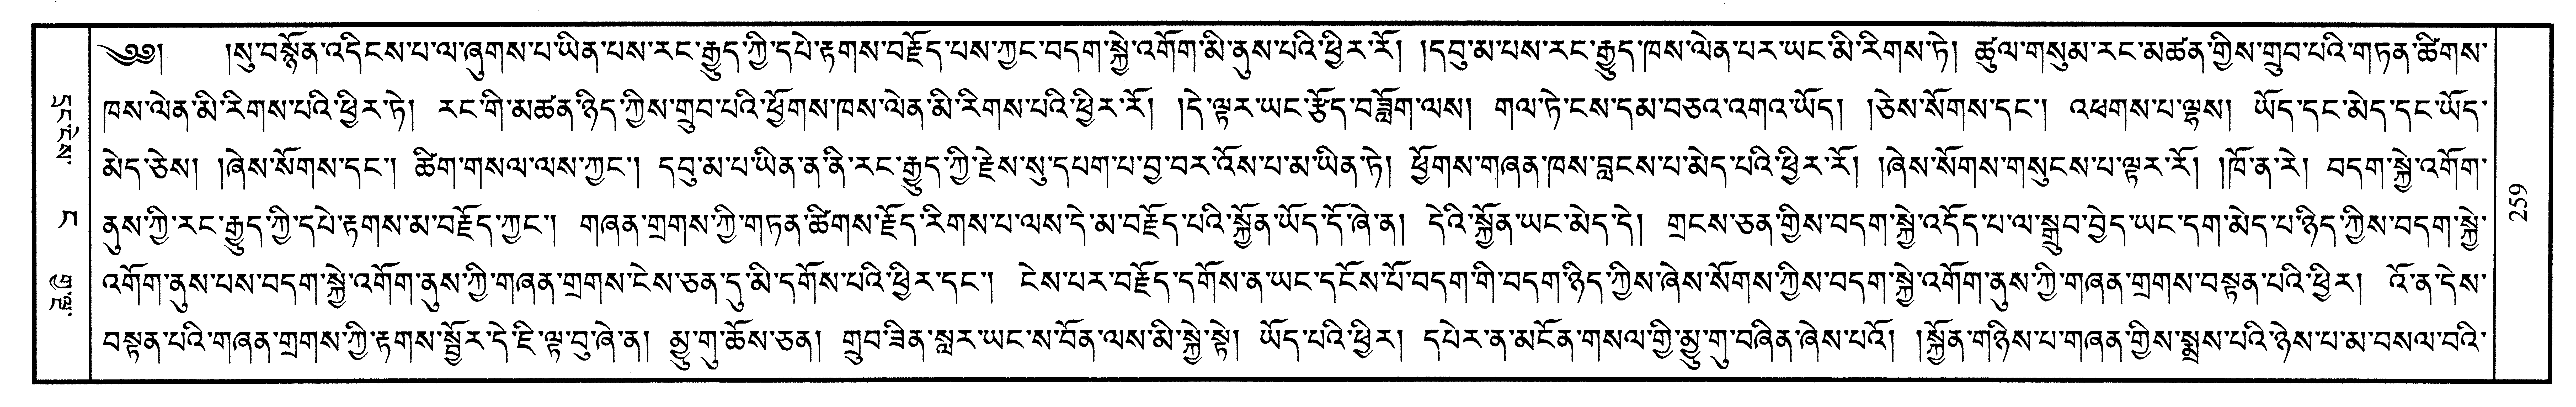༄༅། །སུ་བསྙོན་འདིངས་པ་ལ་ཞུགས་པ་ཡིན་པས་རང་རྒྱུད་ཀྱི་དཔེ་རྟགས་བརྗོད་པས་ཀྱང་བདག་སྐྱེ་འགོག་མི་ནུས་པའི་ཕྱིར་རོ། །དབུ་མ་པས་རང་རྒྱུད་ཁས་ལེན་པར་ཡང་མི་རིགས་ཏེ། ཚུལ་གསུམ་རང་མཚན་གྱིས་གྲུབ་པའི་གཏན་ཚིགས་
ཁས་ལེན་མི་རིགས་པའི་ཕྱིར་ཏེ། རང་གི་མཚན་ཉིད་ཀྱིས་གྲུབ་པའི་ཕྱོགས་ཁས་ལེན་མི་རིགས་པའི་ཕྱིར་རོ། །དེ་ལྟར་ཡང་རྩོད་བཟློག་ལས། གལ་ཏེ་ངས་དམ་བཅའ་འགའ་ཡོད། །ཅེས་སོགས་དང་། འཕགས་པ་ལྷས། ཡོད་དང་མེད་དང་ཡོད་
མེད་ཅེས། །ཞེས་སོགས་དང་། ཚིག་གསལ་ལས་ཀྱང་། དབུ་མ་པ་ཡིན་ན་ནི་རང་རྒྱུད་ཀྱི་རྗེས་སུ་དཔག་པ་བྱ་བར་འོས་པ་མ་ཡིན་ཏེ། ཕྱོགས་གཞན་ཁས་བླངས་པ་མེད་པའི་ཕྱིར་རོ། །ཞེས་སོགས་གསུངས་པ་ལྟར་རོ། །ཁོ་ན་རེ། བདག་སྐྱེ་འགོག་
ནུས་ཀྱི་རང་རྒྱུད་ཀྱི་དཔེ་རྟགས་མ་བརྗོད་ཀྱང་། གཞན་གྲགས་ཀྱི་གཏན་ཚིགས་རྗོད་རིགས་པ་ལས་དེ་མ་བརྗོད་པའི་སྐྱོན་ཡོད་དོ་ཞེ་ན། དེའི་སྐྱོན་ཡང་མེད་དེ། གྲངས་ཅན་གྱིས་བདག་སྐྱེ་འདོད་པ་ལ་སྒྲུབ་བྱེད་ཡང་དག་མེད་པ་ཉིད་ཀྱིས་བདག་སྐྱེ་
འགོག་ནུས་པས་བདག་སྐྱེ་འགོག་ནུས་ཀྱི་གཞན་གྲགས་ངེས་ཅན་དུ་མི་དགོས་པའི་ཕྱིར་དང་། ངེས་པར་བརྗོད་དགོས་ན་ཡང་དངོས་པོ་བདག་གི་བདག་ཉིད་ཀྱིས་ཞེས་སོགས་ཀྱིས་བདག་སྐྱེ་འགོག་ནུས་ཀྱི་གཞན་གྲགས་བསྟན་པའི་ཕྱིར། འོ་ན་དེས་
བསྟན་པའི་གཞན་གྲགས་ཀྱི་རྟགས་སྦྱོར་དེ་ཇི་ལྟ་བུ་ཞེ་ན། མྱུ་གུ་ཆོས་ཅན། གྲུབ་ཟིན་སླར་ཡང་ས་བོན་ལས་མི་སྐྱེ་སྟེ། ཡོད་པའི་ཕྱིར། དཔེར་ན་མངོན་གསལ་གྱི་མྱུ་གུ་བཞིན་ཞེས་པའོ། །སྐྱོན་གཉིས་པ་གཞན་གྱིས་སྨྲས་པའི་ཉེས་པ་མ་བསལ་བའི་